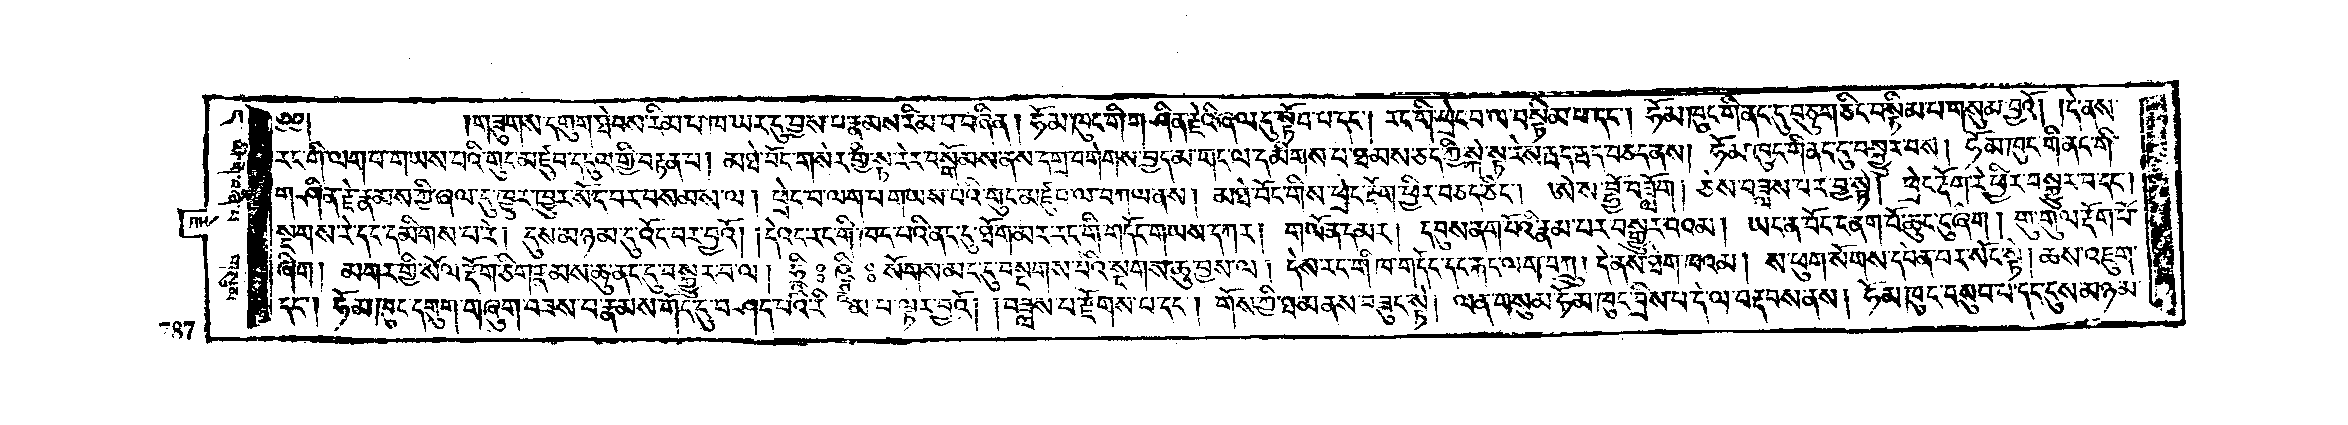༄༅། །གཟུགས་དགུག་ཐེབས་རིམ་པ་ཁ་ཡར་དུ་བྱས་པ་རྣམས་རིམ་པ་བཞིན། ཧོམ་ཁུང་གི་གཤིན་རྗེའི་ཞལ་དུ་སྟོབ་པ་དང་། རང་གི་ཕྲེང་བ་ལ་བསྟིམ་པ་དང་། ཧོམ་ཁུང་གི་ནང་དུ་བཅུག་ཅིང་བསྟིམ་པ་གསུམ་བྱའོ། །དེ་ནས་
རང་གི་ལག་པ་གཡས་པའི་གུང་མཛུབ་དངུལ་གྱི་བརྟན་པ། མཐེ་བོང་གསེར་གྱི་སྟ་རེར་བསྒོམས་ནས་དགྲ་བགེགས་བྱད་མ་གང་ལ་དམིགས་པ་ཐམས་ཅད་ཀྱི་སྐེ་སྟ་རེས་རྦད་རྦད་བཅད་ནས། ཧོམ་ཁུང་གི་ནང་དུ་བསྐྱུར་བས། ཧོམ་ཁུང་གི་ནང་གི་
གཤིན་རྗེ་རྣམས་ཀྱི་ཞལ་དུ་ཁྱུར་ཁྱུར་སོང་བར་བསམས་ལ། ཕྲེང་བ་ལག་པ་གཡས་པའི་གུང་མཛུབ་ལ་བཀལ་ནས། མཐེ་བོང་གིས་ཕྲེང་རྡོག་ཕྱིར་བཅད་ཅིང་། ཨེ་ས་བྷྱོ་བཟློག །ཅེས་བཟླས་པར་བྱ་སྟེ། ཕྲེང་རྡོག་རེ་ཕྱིར་བསྐྱུར་བ་དང་།
སྔགས་རེ་དང་དམིགས་པ་རེ། དུས་མཉམ་དུ་འོང་བར་བྱའོ། །དེའང་རང་གི་ཁད་པའི་ནང་དུ་ཐོག་མར་རང་གི་གདོང་གཡས་དཀར། གཡོན་དམར། དབུས་ནག་པོའི་རྣམ་པར་བསྒྱུར་བའམ། ཡང་ན་བོང་ང་ནག་པོ་ཆུང་ངུ་ཞིག །གུ་གུལ་རྡོག་པོ་
ཞིག །མགར་གྱི་སོལ་རྡོག་ཅིག་རྣམས་ཆུ་ནང་དུ་བསྐྱུར་བ་ལ། ཧྲཱིཿ ཥྚྲཱིཿ སོགས་མང་དུ་བསྔགས་པའི་སྔགས་ཆུ་བྱས་ལ། དེས་རང་གི་ཁ་གདོང་དང་རྐང་ལག་བཀྲུ། དེ་ནས་ཐེག་ཁའམ། ས་ཕུག་སོགས་དབེན་པར་སོང་སྟེ། ཆས་འཇུག་
དང་། ཧོམ་ཁུང་དགུག་གཞུག་བཟས་པ་རྣམས་གོང་དུ་བཤད་པའི་རིམ་པ་ལྟར་བྱའོ། །བཟླས་པ་རྫོགས་པ་དང་། གོས་ཀྱི་ཐ་མ་ནས་བཟུང་སྟེ། ལན་གསུམ་ཧོམ་ཁུང་བྲིས་པ་དེ་ལ་བརྡབས་ནས། ཧོམ་ཁུང་བསུབ་པ་དང་དུས་མཉམ་